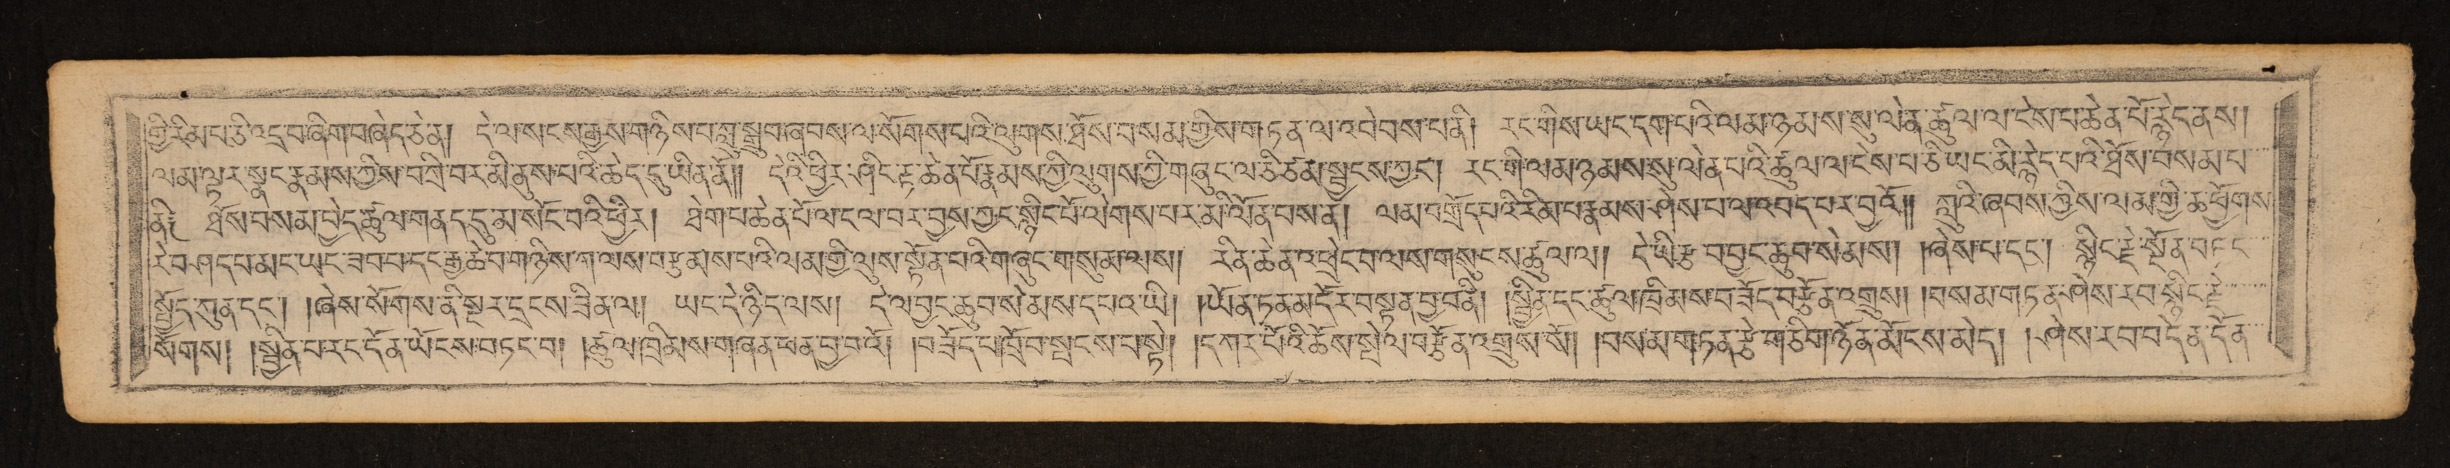གྱི་རིམ་པ་ཅི་འདྲ་བ་ཞིག་བཞེད་ཅེ་ན། དེ་ལ་སངས་རྒྱས་གཉིས་པ་ཀླུ་སྒྲུབ་ཞབས་ལ་སོགས་པའི་ལུགས་ཐོས་བསམ་གྱིས་གཏན་ལ་འབེབས་པ་ནི། རང་གིས་ཡང་དག་པའི་ལམ་ཉམས་སུ་ལེན་ཚུལ་ལ་ངེས་པ་ཆེན་པོ་རྙེད་ནས།
ལམ་ལྟར་སྣང་རྣམས་ཀྱིས་བཀྲི་བར་མི་ནུས་པའི་ཆེད་དུ་ཡིན་ནོ།། དེའི་ཕྱིར་ཤིང་རྟ་ཆེན་པོ་རྣམས་ཀྱི་ལུགས་ཀྱི་གཞུང་ལ་ཅི་ཙམ་སྦྱངས་ཀྱང་། རང་གི་ལམ་ཉམས་སུ་ལེན་པའི་ཚུལ་ལ་ངེས་པ་ཅི་ཡང་མི་རྙེད་པའི་ཐོས་བསམ་པ་
ནི། ཐོས་བསམ་བྱེད་ཚུལ་གནད་དུ་མ་སོང་བའི་ཕྱིར། ཐེག་པ་ཆེན་པོ་ལ་ངལ་བར་བྱས་ཀྱང་སྙིང་པོ་ལེགས་པར་མི་ལོན་པས་ན། ལམ་བགྲོད་པའི་རིམ་པ་རྣམས་ཤེས་པ་ལ་འབད་པར་བྱའོ།། ཀླུའི་ཞབས་ཀྱིས་ལམ་གྱི་ཆ་ཕྱོགས་
རེ་བཤད་པ་མང་ཡང་ཟབ་པ་དང་རྒྱ་ཆེ་བ་གཉིས་ཀ་ལས་བརྩམས་པའི་ལམ་གྱི་ལུས་སྟོན་པའི་གཞུང་གསུམ་ལས། རིན་ཆེན་འཕྲེང་བ་ལས་གསུངས་ཚུལ་ལ། དེ་ཡི་རྩ་བ་བྱང་ཆུབ་སེམས། །ཞེས་པ་དང་། སྙིང་རྗེ་སྔོན་བཏང་
སྤྱོད་ཀུན་དང་། །ཞེས་སོགས་ནི་སྔར་དྲངས་ཟིན་ལ། ཡང་དེ་ཉིད་ལས། དེ་ལ་བྱང་ཆུབ་སེམས་དཔའ་ཡི། །ཡོན་ཏན་མདོར་བསྟན་བྱ་བ་ནི། །སྦྱིན་དང་ཚུལ་ཁྲིམས་བཟོད་བརྩོན་འགྲུས། །བསམ་གཏན་ཤེས་རབ་སྙིང་རྗེ་
སོགས། །སྦྱིན་པ་རང་དོན་ཡོངས་བཏང་བ། །ཚུལ་ཁྲིམས་གཞན་ཕན་བྱ་བའོ། །བཟོད་པ་ཁྲོ་བ་སྤངས་པ་སྟེ། །དཀར་པོའི་ཆོས་སྤེལ་བརྩོན་འགྲུས་སོ། །བསམ་གཏན་རྩེ་གཅིག་ཉོན་མོངས་མེད། །ཤེས་རབ་བདེན་དོན་